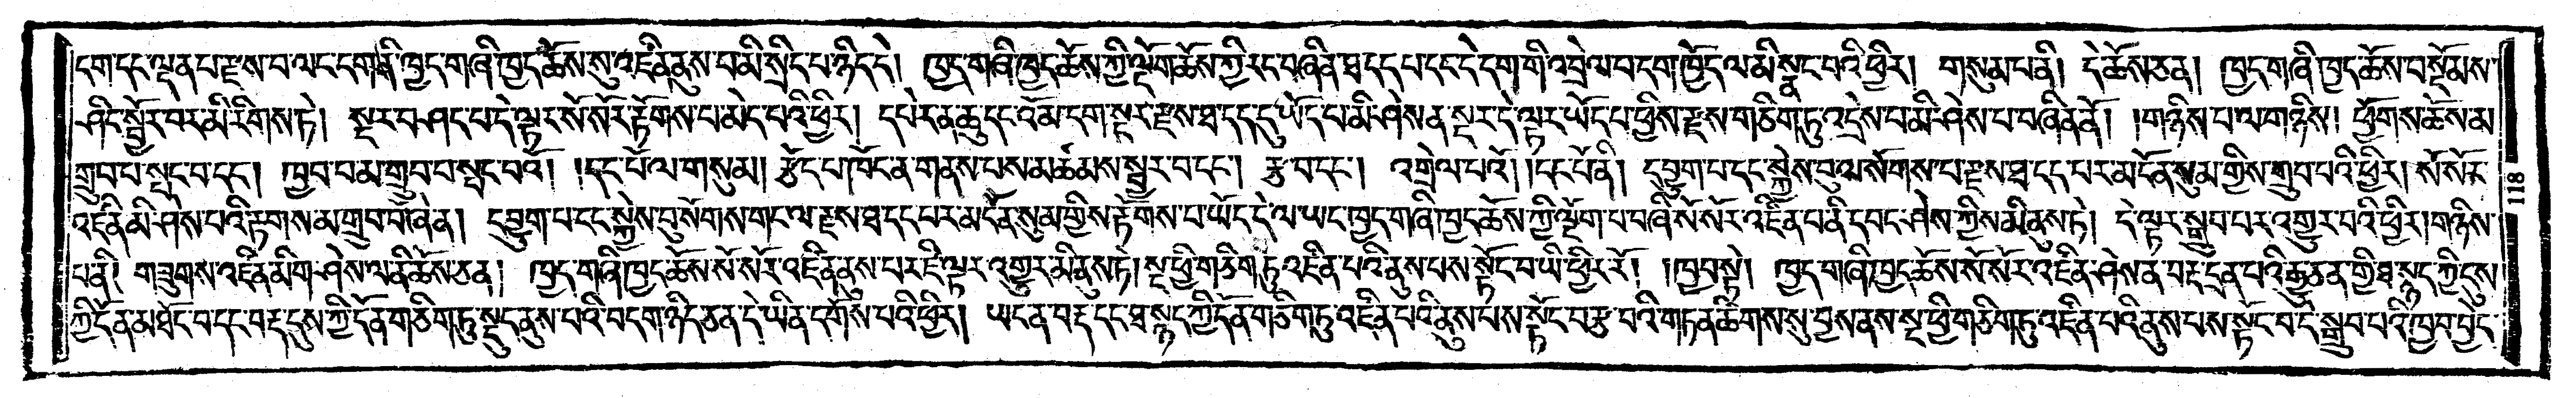དག་དང་ལྡན་པ་རྫས་བ་ལང་དག་ནི་ཁྱད་གཞི་ཁྱད་ཆོས་སུ་འཛིན་ནུས་པ་མི་སྲིད་པ་ཉིད་དེ། ཁྱད་གཞི་ཁྱད་ཆོས་ཀྱི་ལྡོག་ཆོས་ཀྱི་རང་བཞིན་ཐ་དད་པ་དང་དེ་དག་གི་འབྲེལ་པ་དག་ཁྱོད་ལ་མི་སྣང་བའི་ཕྱིར། གསུམ་པ་ནི། དེ་ཆོས་ཅན། ཁྱད་གཞི་ཁྱད་ཆོས་བསྡོམས་
ཤིང་སྦྱོར་བར་མི་རིགས་ཏེ། སྔར་བཤད་པ་དེ་ལྟར་སོ་སོར་རྟོགས་པ་མེད་པའི་ཕྱིར། དཔེར་ན་ཆུ་དང་འོ་མ་དག་སྔར་རྫས་ཐ་དད་དུ་ཡོད་པ་མི་ཤེས་ན་སྔར་དེ་ལྟར་ཡོད་པ་ཕྱིས་རྫས་གཅིག་ཏུ་འདྲེས་པ་མི་ཤེས་པ་བཞིན་ནོ། །གཉིས་པ་ལ་གཉིས། ཕྱོགས་ཆོས་མ་
གྲུབ་པ་སྤང་བ་དང་། ཁྱབ་པ་མ་གྲུབ་པ་སྤང་བའོ། །དང་པོ་ལ་གསུམ། རྩོད་པ་ཁོང་ན་གནས་པས་མཚམས་སྦྱར་བ་དང་། རྩ་བ་དང་། འགྲེལ་པའོ། །དང་པོ་ནི། དབྱུག་པ་དང་སྐྱེས་བུ་ལ་སོགས་པ་རྫས་ཐ་དད་པར་མངོན་སུམ་གྱིས་གྲུབ་པའི་ཕྱིར། སོ་སོར་
འཛིན་མི་ཤེས་པའི་རྟགས་མ་གྲུབ་པོ་ཞེ་ན། དབྱུག་པ་དང་སྐྱེས་བུ་སོགས་གང་ལ་རྫས་ཐ་དད་པར་མངོན་སུམ་གྱིས་རྟོགས་པ་ཡོད་དེ་ལ་ཡང་ཁྱད་གཞི་ཁྱད་ཆོས་ཀྱི་ལྡོག་པ་བཞི་སོ་སོར་འཛིན་པ་ནི་དབང་ཤེས་ཀྱིས་མི་ནུས་ཏེ། དེ་ལྟར་སྒྲུབ་པར་འགྱུར་བའི་ཕྱིར། གཉིས་
པ་ནི། གཟུགས་འཛིན་མིག་ཤེས་ལ་ནི་ཆོས་ཅན། ཁྱད་གཞི་ཁྱད་ཆོས་སོ་སོར་འཛིན་ནུས་པར་ཇི་ལྟར་འགྱུར་མི་ནུས་ཏེ། སྔ་ཕྱི་གཅིག་ཏུ་འཛིན་པའི་ནུས་པས་སྟོང་པ་ཡི་ཕྱིར་རོ། །ཁྱབ་སྟེ། ཁྱད་གཞི་ཁྱད་ཆོས་སོ་སོར་འཛིན་ཤེས་ན་བརྡ་དྲན་པའི་རྒྱུ་ཅན་གྱི་ཐ་སྙད་ཀྱི་དུས་
ཀྱི་དོན་མཐོང་བ་དང་བརྡ་དུས་ཀྱི་དོན་གཅིག་ཏུ་སྡུད་ནུས་པའི་བདག་ཉིད་ཅན་དེ་ཡིན་དགོས་པའི་ཕྱིར། ཡང་ན་བརྡ་དང་ཐ་སྙད་ཀྱི་དོན་གཅིག་ཏུ་འཛིན་པའི་ནུས་པས་སྟོང་པ་རྩ་བའི་གཏན་ཚིགས་སུ་བྱས་ནས་སྔ་ཕྱི་གཅིག་ཏུ་འཛིན་པའི་ནུས་པས་སྟོང་བ་དེ་སྒྲུབ་པའི་ཁྱབ་བྱེད་